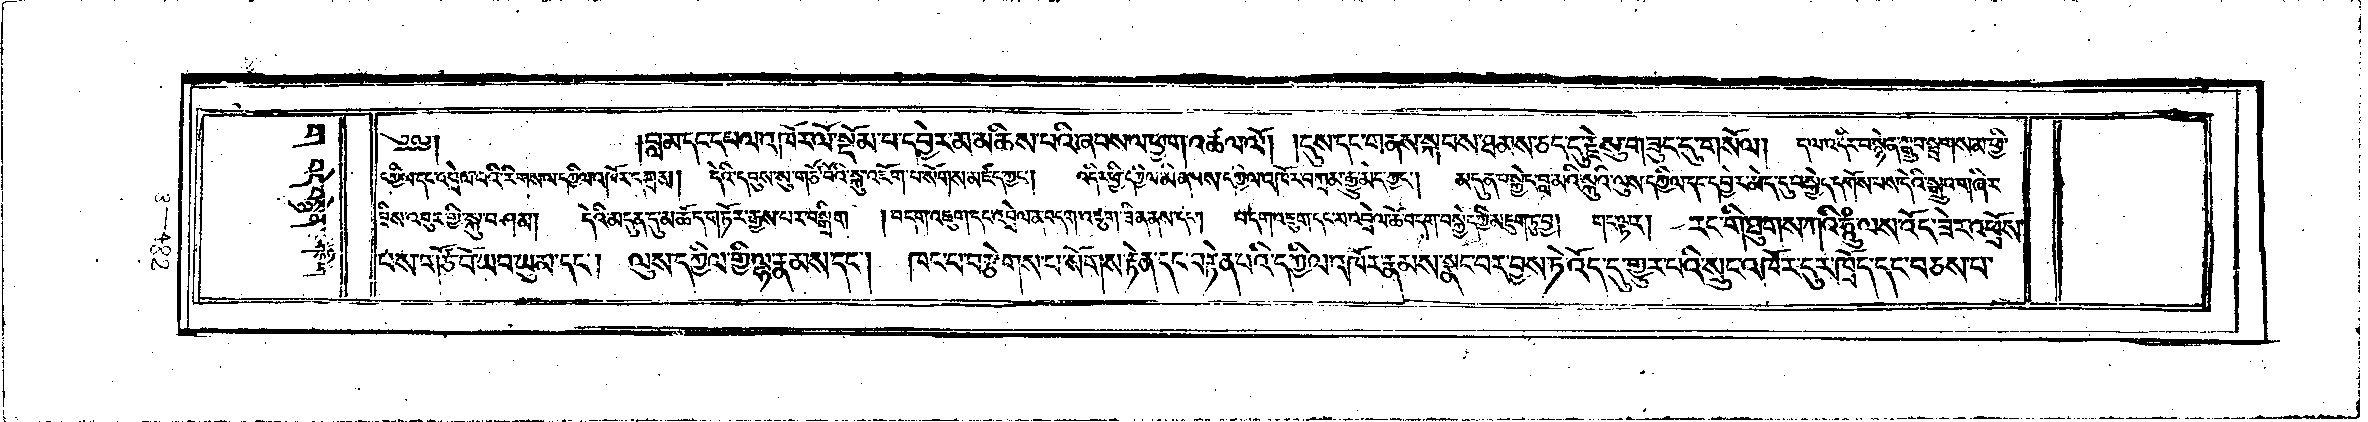༄༅༅། །བླ་མ་དང་དཔལ་འཁོར་ལོ་སྡོམ་པ་དབྱེར་མ་མཆིས་པའི་ཞབས་ལ་ཕྱག་འཚལ་ལོ། །དུས་དང་གནས་སྐབས་ཐམས་ཅད་དུ་རྗེས་སུ་གཟུང་དུ་གསོལ། དལ་འདིར་བསྙེན་སྒྲུབ་སྦྲགས་མ་ཕྱི་
དཀྱིལ་དང་འབྲེལ་བའི་རིགས་ལ་དཀྱིལ་འཁོར་དགྲམ། དེའི་དབུས་སུ་གཙོ་བོའི་སྐུ་འཇོག་པ་སོགས་མཛད་ཀྱང་། འདིར་ཕྱི་དཀྱིལ་མིན་པས་དཀྱིལ་འཁོར་བཀྲམ་རྒྱུ་མེད་ཀྱང་། མདུན་བསྐྱེད་བླ་མའི་སྐུའི་ལུས་དཀྱིལ་དང་དབྱེར་མེད་དུ་བསྐྱེད་དགོས་པས་དེའི་སྒྲུབ་གཞིར་
བྲིས་འབུར་གྱི་སྐུ་བཤམ། དེའི་མདུན་དུ་མཆོད་གཏོར་རྒྱས་པར་བསྒྲིག །བདག་འཇུག་དང་འབྲེལ་ན་བདག་འཇུག་ཟིན་ནས་དང་། བདག་འཇུག་དང་མ་འབྲེལ་ཆོ་བདག་བསྐྱེད་ཀྱི་མཇུག་ཏུ་བྱ། གང་ལྟར། རང་གི་ཐུགས་ཀའི་ཧཱུཾ་ལས་འོད་ཟེར་འཕྲོས་
པས་གཙོ་བོ་ཡབ་ཡུམ་དང་། ལུས་དཀྱིལ་གྱི་ལྷ་རྣམས་དང་། ཁང་པ་བརྩེགས་པ་སོགས་རྟེན་དང་བརྟེན་པའི་དཀྱིལ་འཁོར་རྣམས་སྣང་བར་བྱས་ཏེ་འོད་དུ་གྱུར་པའི་སྲུང་འཁོར་དུར་ཁྲོད་དང་བཅས་པ་